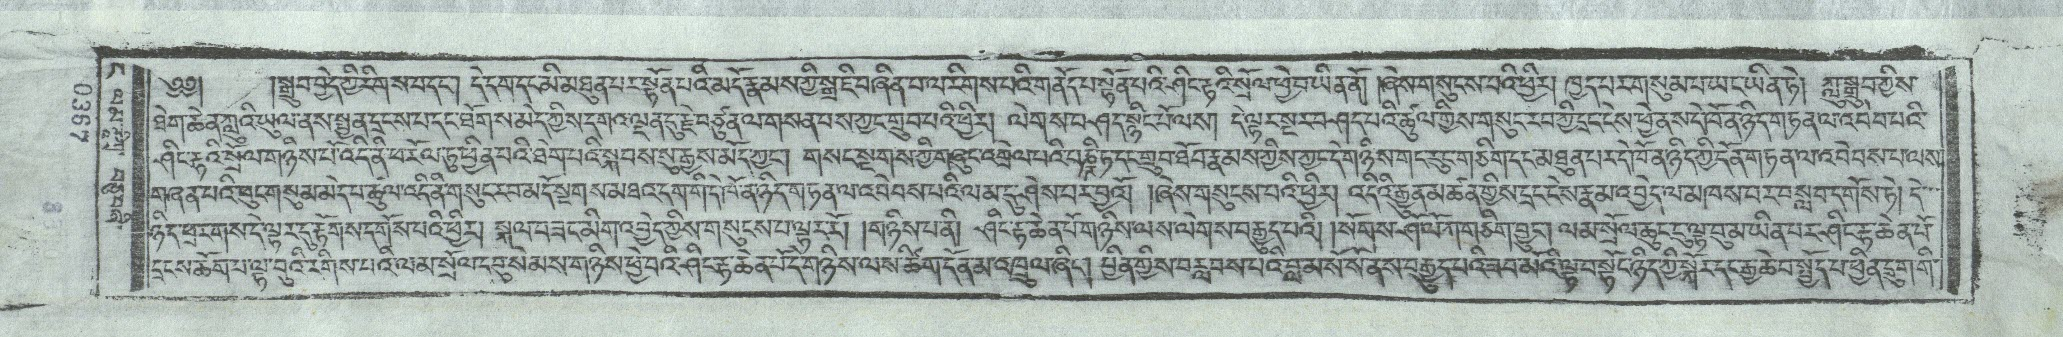༄༅། །སྒྲུབ་བྱེད་ཀྱི་རིགས་པ་དང་། དེ་དག་དང་མི་མཐུན་པར་སྟོན་པའི་མདོ་རྣམས་ཀྱི་སྒྲ་ཇི་བཞིན་པ་ལ་རིགས་པའི་གནོད་པ་སྟོན་པའི་ཤིང་རྟའི་སྲོལ་ཕྱེ་བ་ཡིན་ནོ། །ཞེས་གསུངས་པའི་ཕྱིར། ཁྱད་པར་གསུམ་པ་ཡང་ཡིན་ཏེ། ཀླུ་སྒྲུབ་ཀྱིས་
ཐེག་ཆེན་ཀླུའི་ཡུལ་ནས་སྤྱན་དྲངས་པ་དང་ཐོགས་མེད་ཀྱིས་དགའ་ལྡན་དུ་རྗེ་བཙུན་ལ་གསན་པས་ཀྱང་གྲུབ་པའི་ཕྱིར། ལེགས་བཤད་སྙིང་པོ་ལས། དེ་ལྟར་སྔར་བཤད་པའི་ཚུལ་གྱིས་གསུང་རབ་ཀྱི་དྲང་ངེས་ཕྱེ་ནས་དེ་ཁོ་ན་ཉིད་གཏན་ལ་འབེབ་པའི་
ཤིང་རྟའི་སྲོལ་གཉིས་པོ་འདི་ནི་ཕ་རོལ་ཏུ་ཕྱིན་པའི་ཐེག་པའི་སྐབས་སུ་རྒྱས་མོད་ཀྱང་། གསང་སྔགས་ཀྱི་གཟུང་འགྲེལ་པའི་པཎྜི་ཏ་དང་གྲུབ་ཐོབ་རྣམས་ཀྱིས་ཀྱང་དེ་གཉིས་གང་རུང་གཅིག་དང་མཐུན་པར་དེ་ཁོ་ན་ཉིད་ཀྱི་དོན་གཏན་ལ་འབེབས་པ་ལས་
གཞན་པའི་ཕུང་གསུམ་མེད་པ་ཚུལ་འདི་ནི་གསུང་རབ་མདོ་སྔགས་མཐའ་དག་གི་དེ་ཁོ་ན་ཉིད་གཏན་ལ་འབེབས་པའི་ལམ་དུ་ཤེས་པར་བྱའོ། །ཞེས་གསུངས་པའི་ཕྱིར། འདིའི་རྒྱུན་མཚན་གྱིས་དྲང་ངེས་རྣམ་འབྱེད་ལ་མཁས་པར་བསླབ་དགོས་ཏེ། དེ་
ཉིད་ཕྲ་རགས་དེ་ལྟར་དུ་རྟོགས་དགོས་པའི་ཕྱིར། སྐལ་བཟང་མིག་འབྱེད་ཀྱིས་གསུངས་པ་ལྟར་རོ། །གཉིས་པ་ནི། ཤིང་རྟ་ཆེན་པོ་གཉིས་ལས་ལེགས་བརྒྱུད་པའི། །སོགས་ཤོ་ལོ་ཀ་གཅིག་བྱུང་། ལམ་སྲོལ་ཆུང་ངུ་ལྟ་བུ་མ་ཡིན་པར་ཤིང་རྟ་ཆེན་པོ་
དྲངས་ཆོག་པ་ལྟ་བུའི་རིགས་པའི་ལམ་སྲོལ་དབུ་སེམས་གཉིས་ཕྱེ་བའི་ཤིང་རྟ་ཆེན་པོ་དེ་གཉིས་ལས་ཚིག་དོན་མ་འཁྲུལ་ཞིང་། ཕྱིན་གྱིས་བརླབས་པའི་བླ་མ་སོ་སོ་ནས་བརྒྱུད་པའི་ཟབ་མོའི་ལྟ་བ་སྟོང་ཉིད་ཀྱི་སྐོར་དང་རྒྱ་ཆེ་པ་སྤྱོད་པ་ཕྱིན་དྲུག་གི་